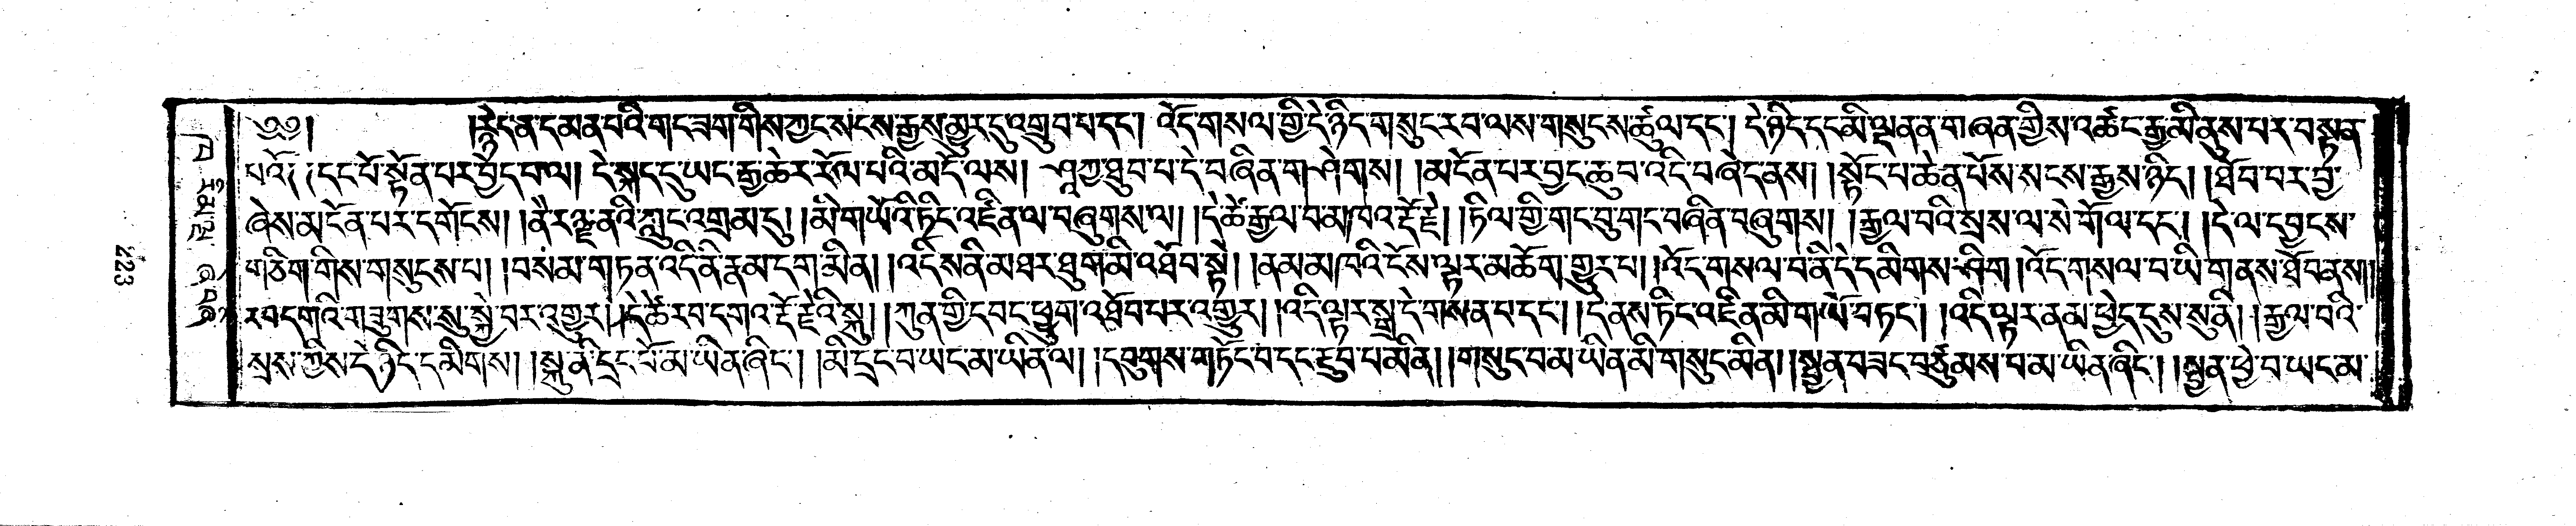༄༅། །རྙེད་ན་དམན་པའི་གང་ཟག་གིས་ཀྱང་སངས་རྒྱས་མྱུར་དུ་འགྲུབ་པ་དང་། འོད་གསལ་གྱི་དེ་ཉིད་གསུང་རབ་ལས་གསུངས་ཚུལ་དང་། དེ་ཉིད་དང་མི་ལྡན་ན་གཞན་གྱིས་འཚང་རྒྱ་མི་ནུས་པར་བསྟན་
པའོ༑ ༑དང་པོ་སྟོན་པར་བྱེད་པ་ལ། དེ་སྐད་དུ་ཡང་རྒྱ་ཆེར་རོལ་པའི་མདོ་ལས། ཤཱཀྱ་ཐུབ་པ་དེ་བཞིན་གཤེགས། །མངོན་པར་བྱང་ཆུབ་འདི་བཞེད་ནས། །སྟོང་པ་ཆེན་པོས་སངས་རྒྱས་ཉིད། །ཐོབ་པར་བྱ་
ཞེས་མངོན་པར་དགོངས། །ནཻ་རཉྫ་ནའི་ཀླུང་འགྲམ་དུ། །མི་གཡོའི་ཏིང་འཛིན་ལ་བཞུགས་ལ། །དེ་ཚེ་རྒྱལ་བ་མཁའ་རྡོ་རྗེ། །ཏིལ་གྱི་གང་བུ་གང་བཞིན་བཞུགས། །རྒྱལ་བའི་སྲས་ལ་སེ་གོལ་དང་། །དེ་ལ་དབྱངས་
གཅིག་གིས་གསུངས་པ། །བསམ་གཏན་འདི་ནི་རྣམ་དག་མིན། །འདིས་ནི་མཐར་ཐུག་མི་འཐོབ་སྟེ། །ནམ་མཁའི་ངོས་ལྟར་མཆོག་གྱུར་པ། །འོད་གསལ་བ་ནི་དེ་དམིགས་ཤིག །འོད་གསལ་བ་ཡི་གནས་ཐོབ་ནས།།
རབ་དགའི་གཟུགས་སུ་སྐྱེ་བར་འགྱུར། །དེ་ཚེ་རབ་དགའ་རྡོ་རྗེའི་སྐུ། །ཀུན་གྱི་དབང་ཕྱུག་འཐོབ་པར་འགྱུར། །འདི་ལྟར་སྒྲ་དེ་གསན་པ་དང་། །དེ་ནས་ཏིང་འཛིན་མི་གཡོ་བཏང་། །འདི་ལྟར་ནམ་ཕྱེད་དུས་སུ་ནི། །རྒྱལ་བའི་
སྲས་ཀྱིས་དེ་ཉིད་དམིགས། །སྐུ་ནི་དྲང་པོ་མ་ཡིན་ཞིང་། །མི་དྲང་བ་ཡང་མ་ཡིན་ལ། །དབུགས་གཏོང་བ་དང་རྡུབ་པ་མིན། །གསུང་བ་མ་ཡིན་མི་གསུང་མིན། །སྤྱན་བཟང་བཙུམས་པ་མ་ཡིན་ཞིང་། །སྤྱན་ཕྱེ་བ་ཡང་མ་